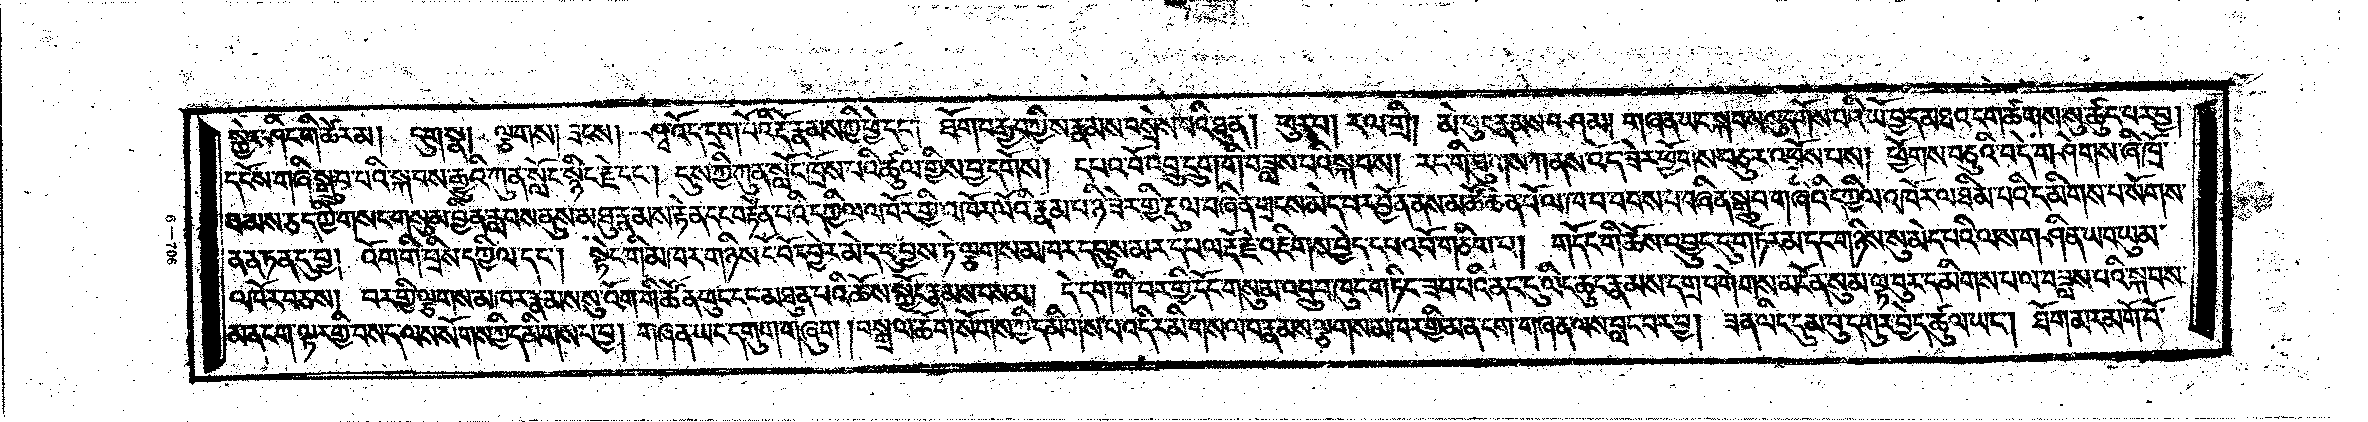སྐྱེར་ཤིང་གི་ཚེར་མ། དུག་སྣ། ལྕགས་ཟངས། ཤྭ་འོད་དྲག་པོའི་རྡོ་རྣམས་ཀྱི་ཕྱེད་དང་། ཐོག་པ་རྒྱབ་ཀྱི་ས་རྣམས་བསྲེས་པའི་ཐུན། ཕུར་བ། རལ་གྲི། མེ་ཕུང་རྣམས་བཤམ། གཞན་ཡང་སྐབས་སུ་དགོས་པའི་ཡོ་བྱད་མཐའ་དག་ཚགས་སུ་ཚུད་པར་བྱ།
དངོས་གཞི་སྒྲུབ་པའི་སྐབས་རྒྱུའི་ཀུན་སློང་སྙིང་རྗེ་དང་། དུས་ཀྱི་ཀུན་སློང་ཁྲོས་པའི་ཚུལ་གྱིས་བྱ་དགོས། དཔའ་བོ་འབྲུ་དྲུག་གི་བཟླས་པའི་སྐབས། རང་གི་ཐུགས་ཀ་ནས་འོད་ཟེར་ཕྱོགས་བཅུར་འཕྲོས་པས། ཕྱོགས་བཅུའི་བདེ་གཤེགས་ཞི་ཁྲོ་
ཐམས་ཅད་ཀྱི་གསང་གསུམ་བྱིན་རླབས་ནུས་མཐུ་རྣམས་རྟེན་དང་བརྟེན་པའི་དཀྱིལ་འཁོར་གྱི་འཁོར་ལོའི་རྣམ་པ་ཉི་ཟེར་གྱི་རྡུལ་བཞིན་གྲངས་མེད་པར་བྱོན་ནས་མཚོ་ཆེན་པོ་ལ་ཁ་བ་བབས་པ་བཞིན་སྒྲུབ་གཞིའི་དཀྱིལ་འཁོར་ལ་ཐིམ་པའི་དམིགས་པ་སོགས་
ནན་ཏན་དུ་བྱ། འོག་གི་བྲིས་དཀྱིལ་དང་། སྟེང་གི་མཁར་གཉིས་ངོ་བོ་དབྱེར་མེད་དུ་བྱས་ཏེ་ལྕགས་མཁར་དབུས་མར་དཔལ་རྡོ་རྗེ་འཇིགས་བྱེད་དཔའ་བོ་གཅིག་པ། གདོང་གི་ཆོས་འབྱུང་དུ་གཏོར་མ་དང་གཉིས་སུ་མེད་པའི་ལ་གཤིན་ཡབ་ཡུམ་
འཁོར་བཅས། བར་གྱི་ལྕགས་མཁར་རྣམས་སུ་འོག་གི་ཚོན་ཕུང་དང་མཐུན་པའི་ཆོས་སྐྱོང་རྣམས་བསམ། དེ་དག་གི་བར་གྱི་དོང་གསུམ་འབྲུབ་ཁུང་གཏིང་ཟབ་པའི་ནང་དུ་ལིང་ཆུ་རྣམས་དགྲ་བགེགས་མངོན་སུམ་ལྟ་བུར་དམིགས་པ་ལ་བཟླས་པའི་སྐབས་
མན་ངག་ལྟར་གྱི་བསད་ལས་སོགས་ཀྱི་དམིགས་པ་བྱ། གཞན་ཡང་དགུག་གཞུག །བསྒྲལ་ཆོག་སོགས་ཀྱི་དམིགས་པ་འདིར་མི་གསལ་བ་རྣམས་ལྕགས་མཁར་གྱི་མན་ངག་གཞན་ལས་བླང་བར་བྱ། ཟན་ལིང་དུམ་བུ་དགུར་བྱེད་ཚུལ་ཡང་། ཐོག་མར་མགོ་བོ་